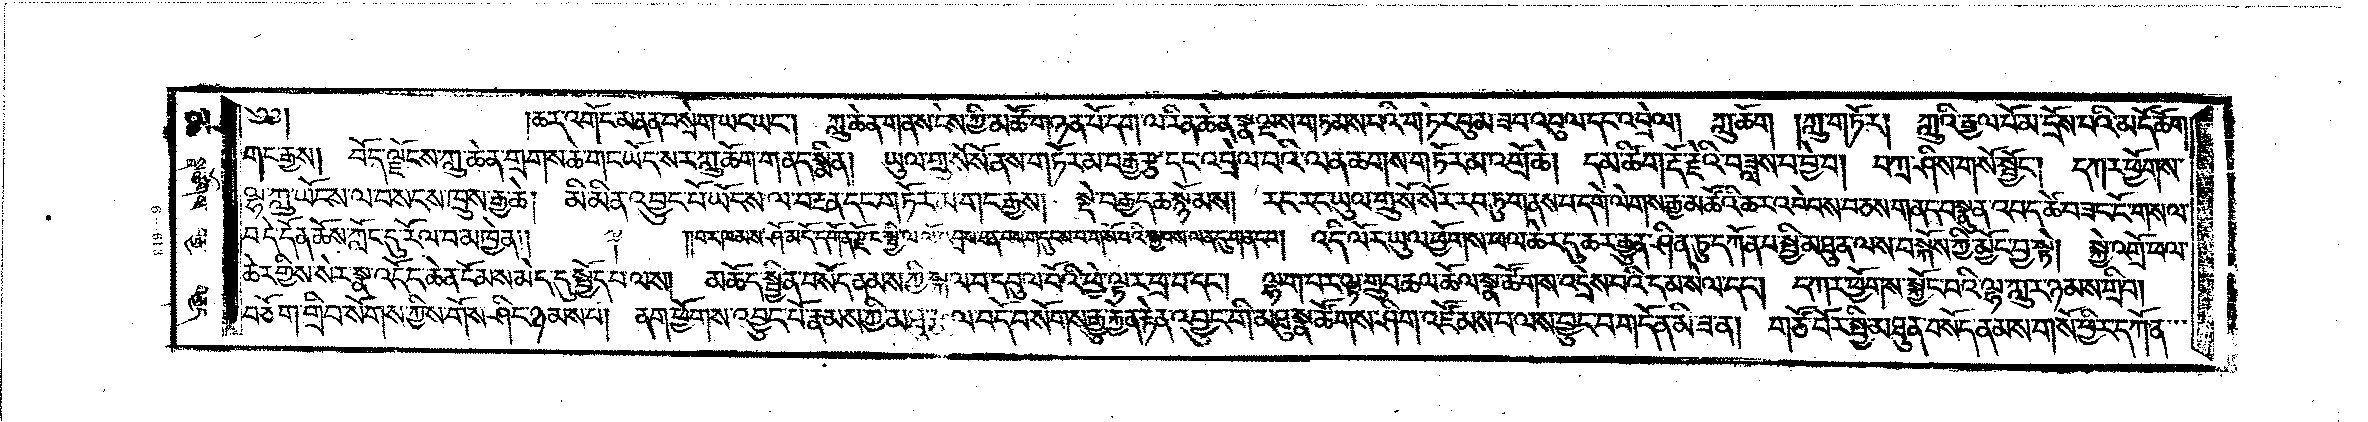༄༅། །ཆར་འགོང་མནན་བསྲེག་ཡང་ཡང་། ཀླུ་ཆེན་གནས་ངེས་ཀྱི་མཚོ་གཉན་པོ་དག་ལ་རིན་ཆེན་སྣ་ལྔས་གཏམས་པའི་གཏེར་བུམ་ཟབ་འབུལ་དང་འབྲེལ། ཀླུ་ཆོག །ཀླུ་གཏོར། ཀླུའི་རྒྱལ་པོ་མ་དྲོས་པའི་མདོ་ཆོག་
གང་རྒྱས། བོད་ལྗོངས་ཀླུ་ཆེན་གྲགས་ཆེ་གང་ཡོད་སར་ཀླུ་ཆོག་གནད་སྨིན། ཡུལ་གྲུ་སོ་སོ་ནས་གཏོར་མ་བརྒྱ་རྩ་དང་འབྲེལ་བའི་ལན་ཆགས་གཏོར་མ་འགྲོ་ཆེ། དམ་ཚིག་རྡོ་རྗེའི་བཟླས་པ་བྱེ་བ། བཀྲ་ཤིས་གསོ་སྦྱོང་། དཀར་ཕྱོགས་
ལྷ་ཀླུ་ཡོངས་ལ་བསངས་ཁྲུས་རྒྱ་ཆེ། མི་མིན་འབྱུང་པོ་ཡོངས་ལ་བརྔན་དང་གཏོར་མ་གང་རྒྱས། སྡེ་བརྒྱད་ཆ་སྙོམས། རང་རང་ཡུལ་གྲུ་སོ་སོར་རབ་ཏུ་གནས་པ་དགེ་ལེགས་རྒྱ་མཚོའི་ཆར་འབེབས་བཅས་གནད་བསྣུན་འབད་ཚེ་བཟང་ངོ་གསལ་
བ་དེ་དོན་ཆོས་ཀློང་དུ་རོལ་བ་མཁྱེན༑༑ ༈ །།བར་ཁམས་ཤོ་མདོ་དགོན་རྫོང་སྤྱི་ལ་ལོ་འབྲས་ཐན་བས་གདུངས་བ་གསོ་བའི་སྐྱབས་ལན་དུ་གནང་བ།  འདི་ལོར་ཡུལ་ཕྱོགས་ཕལ་ཆེར་དུ་ཆར་རྒྱུན་ཤིན་ཏུ་དཀོན་པ་སྤྱི་མཐུན་ལས་བསྐོས་ཀྱི་མྱོང་བྱ་སྟེ། སྐྱེ་འགྲོ་ཕལ་
ཆེར་གྱིས་སེར་སྣ་འདོད་ཆེན་ངོམས་མེད་དུ་སྤྱོད་པ་ལས། མཆོད་སྦྱིན་བསོད་ནམས་ཀྱི་སྐལ་བ་དབུལ་བོའི་ཕྱེ་ལྟར་ཕྲ་བ་དང་། ལྷག་པར་ལྟ་གྲུབ་ཆལ་ཆོལ་སྣ་ཚོགས་འདྲེས་བའི་དམ་སེལ་དང་། དཀར་ཕྱོགས་སྐྱོང་བའི་ལྷ་ཀླུར་ཉམས་གྲིབ།
བཅོག་གྲིབ་སོགས་ཀྱིས་གོས་ཤིང་ཉམས་པ། ནག་ཕྱོགས་འབྱུང་པོ་རྣམས་ཀྱི་མཐུ་རྩལ་བདོ་བ་སོགས་རྒྱུ་རྐྱེན་རྟེན་འབྱུང་གི་མཐུ་སྣ་ཚོགས་ཤིག་འཛོམས་པ་ལས་བྱུང་བ་གདོན་མི་ཟ་ན། གཙོ་བོར་སྤྱི་མཐུན་བསོད་ནམས་གསོ་ཕྱིར་དཀོན་